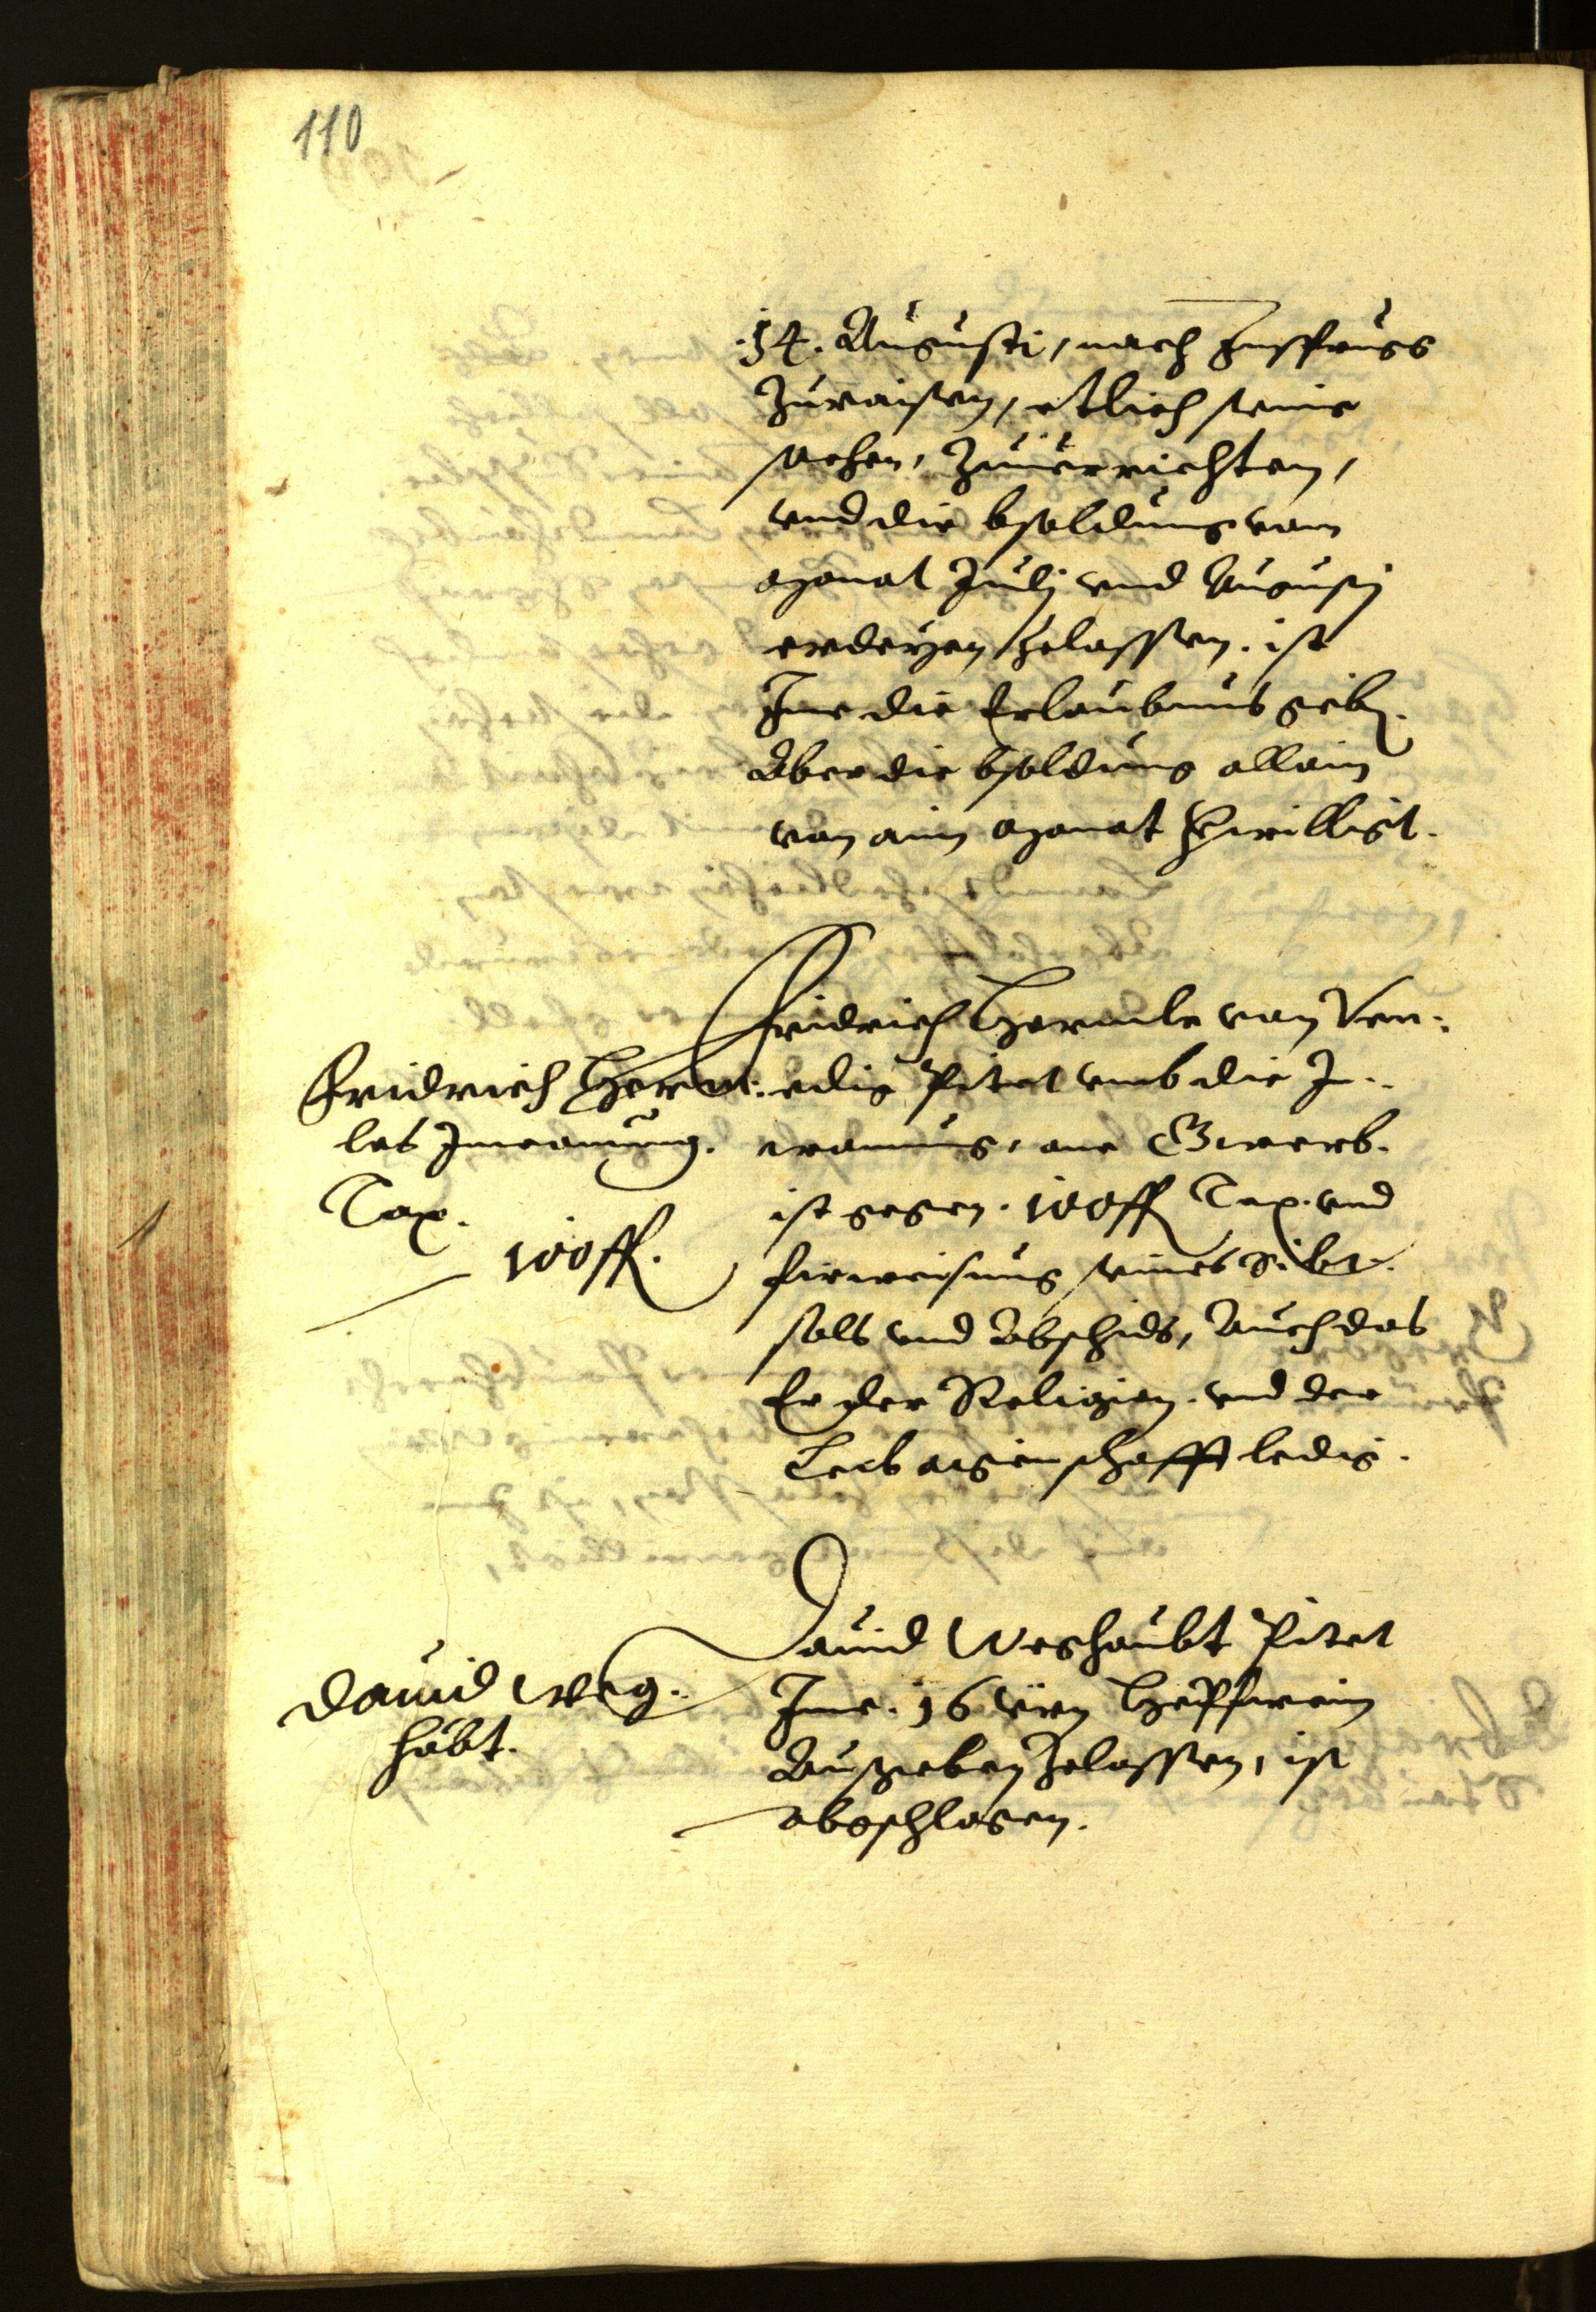110
.14. Aūgūsti, nach InsPrūgg
Zūraisen, etlich seine
sachen, Zūūerrichten,
vnd die besoldūng vom
Monat Jūlj vnd Aūgūstj
erdeȳen Zelassen. ist
Ime die Erlaūbnūs geb.
Aber die besoldūng allain
von aim Monat vwilligt.
Fridrich Hermle von Ven¬
edig Pitet vmb die In¬
wonūng, one Gwerb.
ist gegen. 100 fl Tax. vnd
firweisūng seines Sibt¬
sals vnd Abschids, Aūch das
Er der Religion. vnd der
Leibaigenschafft ledig.
Fridrich Herm¬
les Inwonūng.
Tax.
— 100 fl.
Daūid Weghaūbt Pitet
Ime. 16 v̈rn HePfwein
Aūsgeben Zelassen, ist
Abgschlagen.
Daūid Weg¬
hābt.